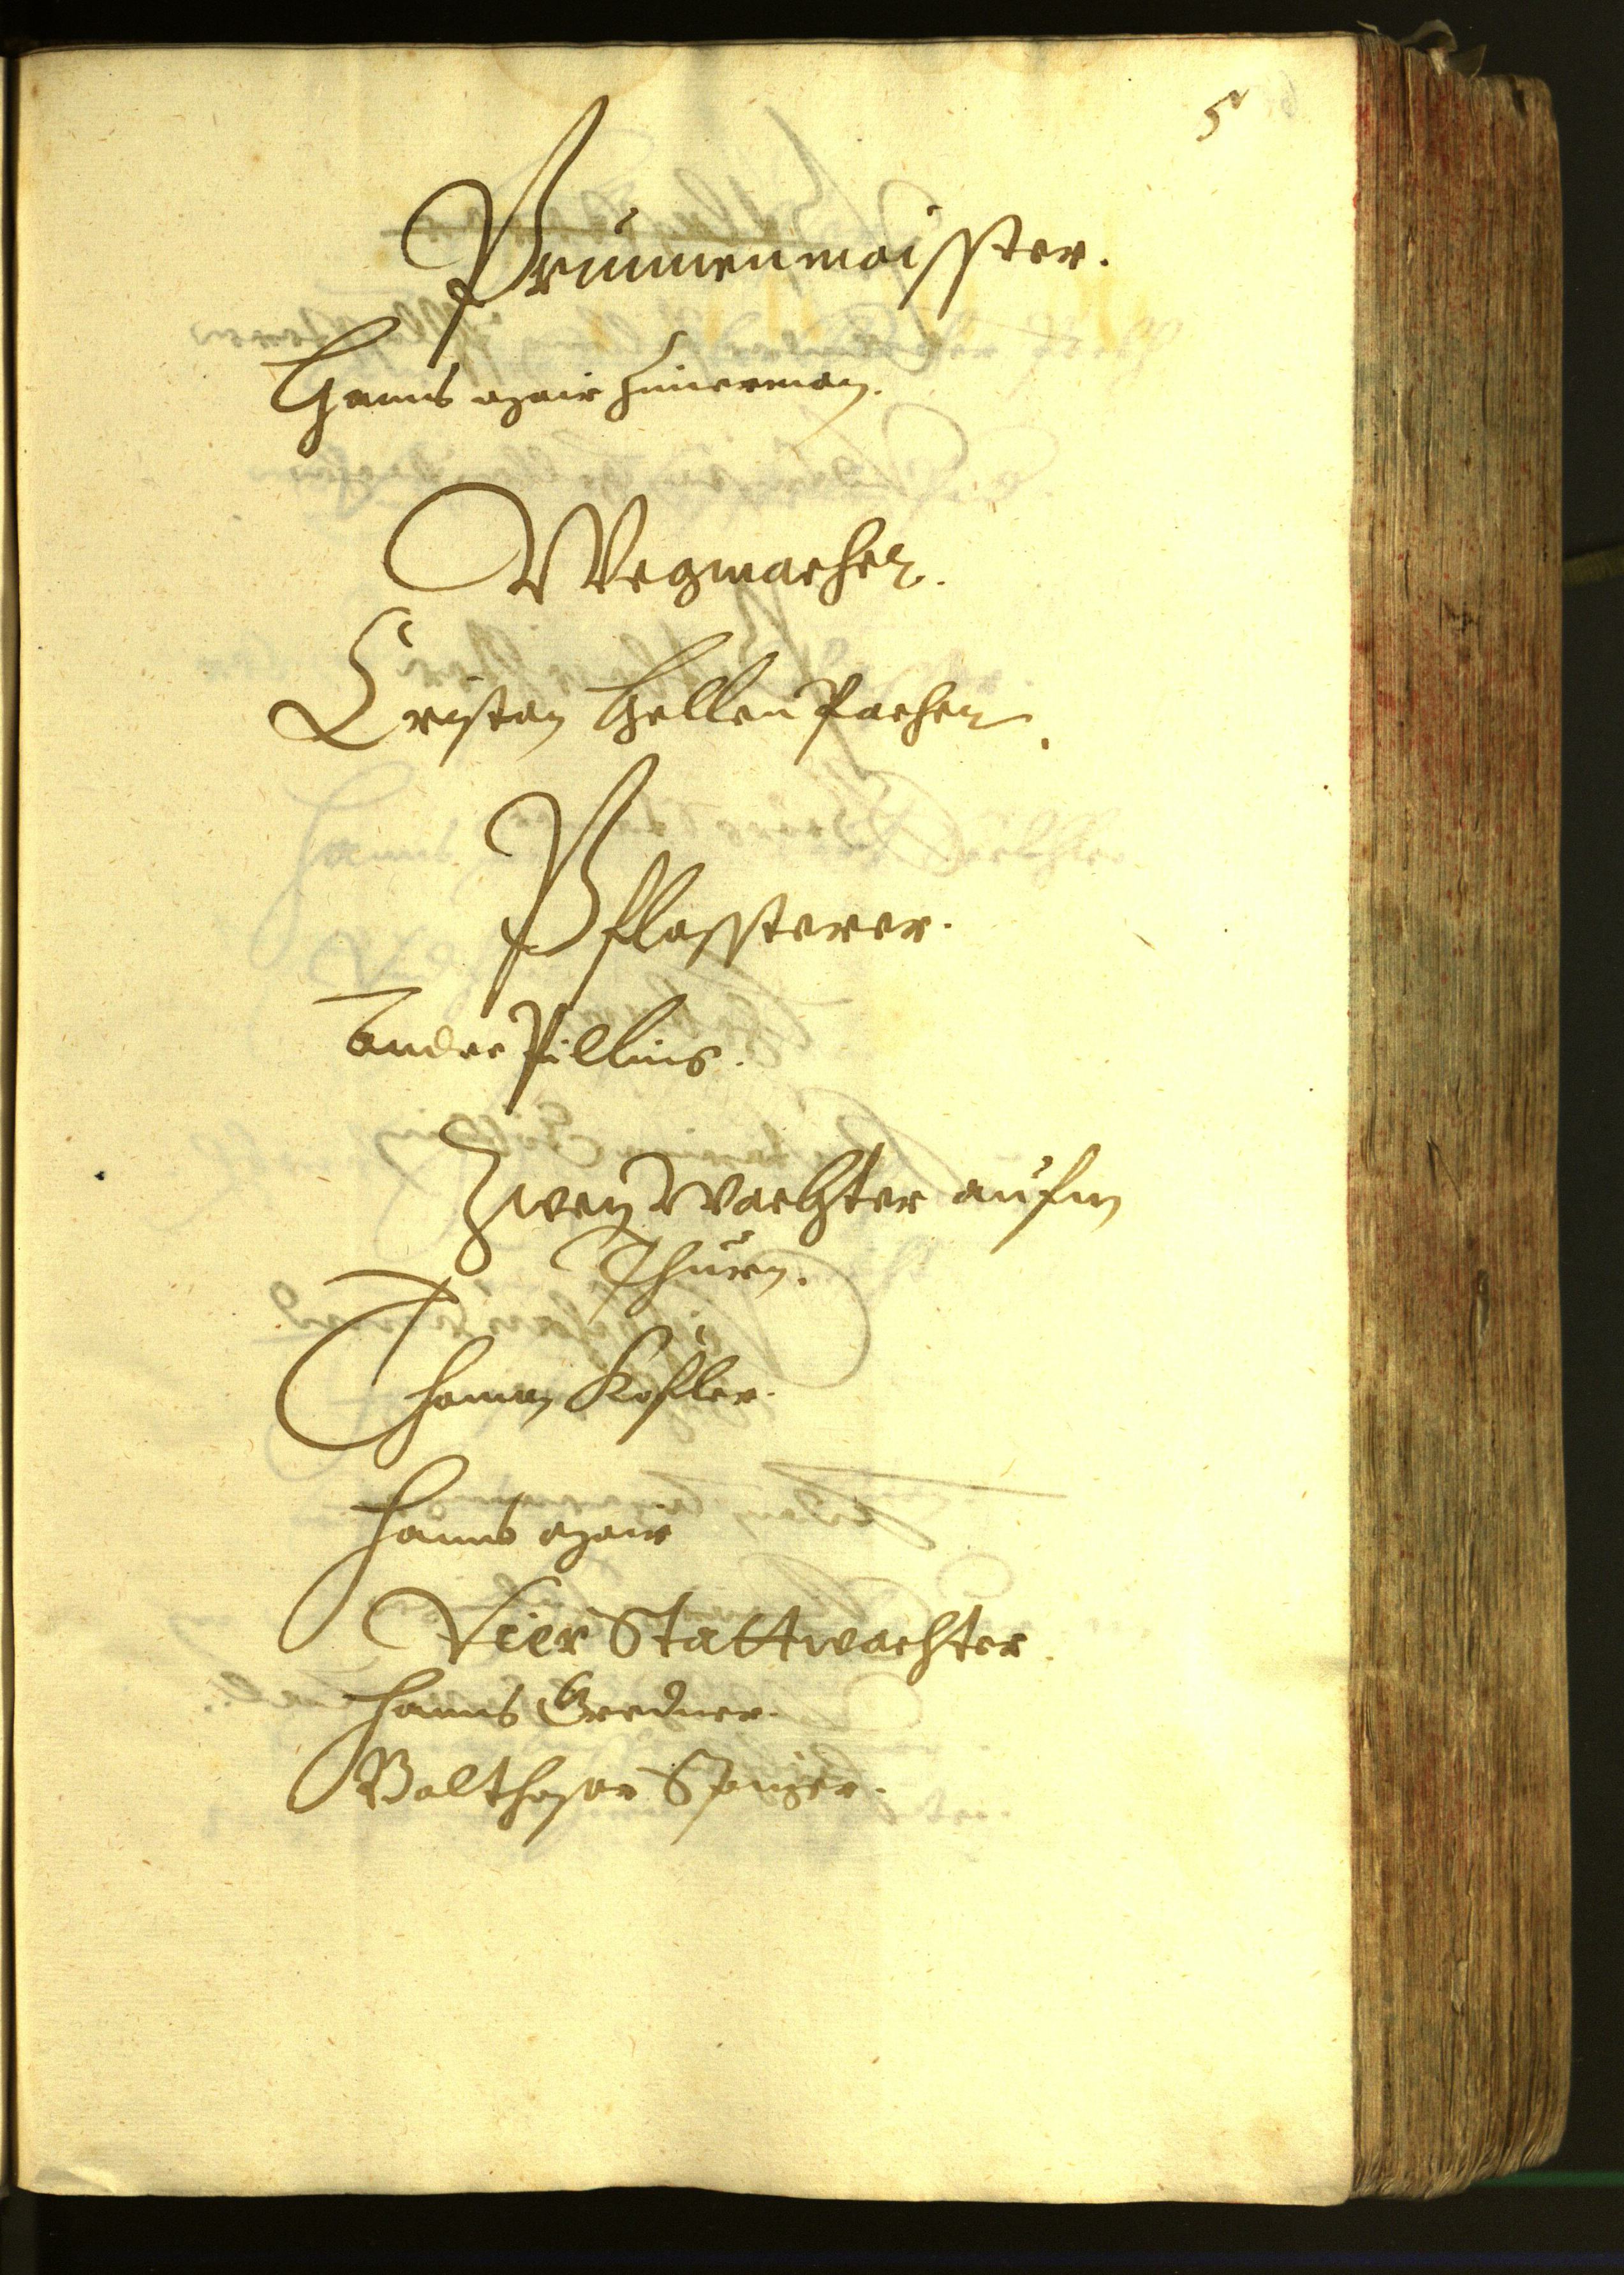Prūnnenmaisster.
Hanns Mair Zimerman.
Wegmacher.
Cristan HellenPacher.
Pflassterer.
Andre Pilling.
Zwen Wachter aūfm
Thūrn.
Thoman Kōfler.
hanns Mair
Vier Stattwachter.
hanns Gredner.
Balthasar Spizer.
5